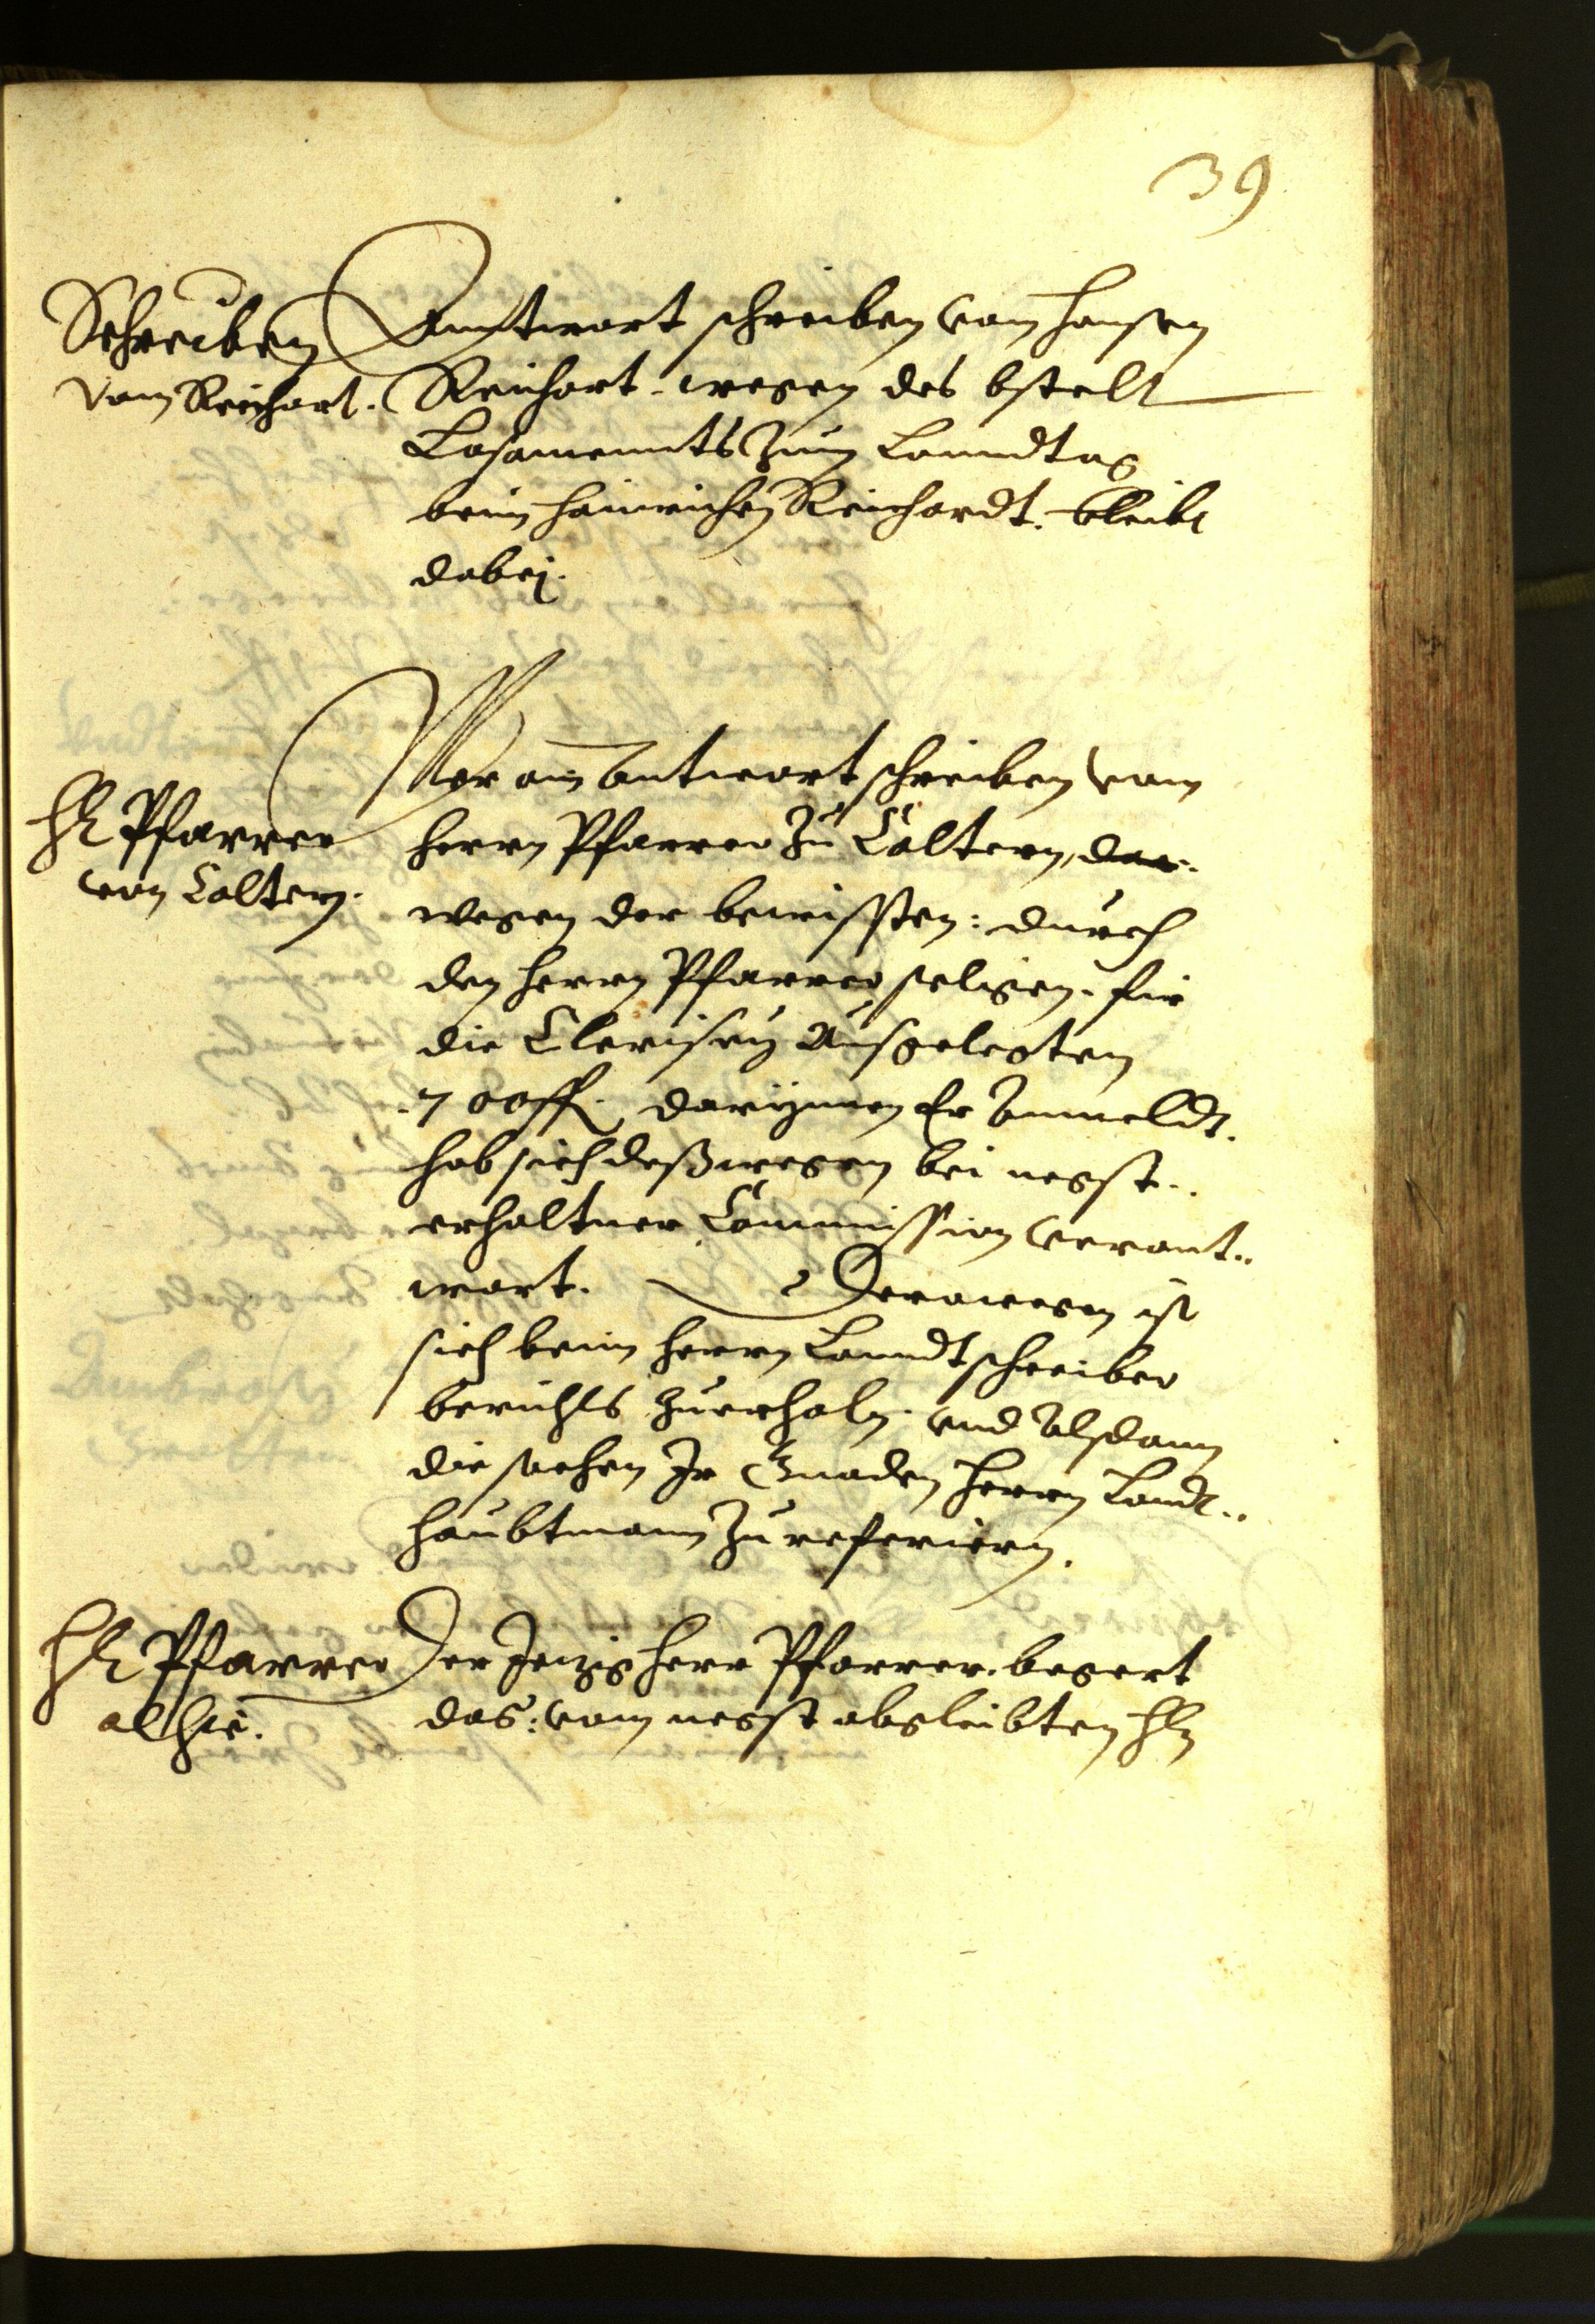39
Schreiben
Vom Reichart.
Anntwort schreiben von hansen
Reichart. wegen des bstelt
Losamennts Zūm Lanndtag
beim hainrichen Reichardt. bleibt
dabej.
Mer ain Antwortschreiben vom
herrn Pfarrer Zū Caltern, dar
wegen der bewissten: dūrch
den herrn Pfarrer seligen. fir
die Cleriseȳ Aūsgelegten
.700 fl. darÿnnen Er Anmeldt.
Hab sich deßwegen bei negst¬
erhaltner Commission verant¬
wort. Derowegen ist
sich beim herrn Lanndtschreiber
berichts Zūerholn. vnd Alsdann
die sachen Ir Gnaden herrn Landt¬
haūbtmann Zū referiern.
H Pfarrer
von Caltern.
H Pfarrer
alhie.
Der Jetzig herr Pfarrer. begert
Das: vom negst abgleibten hln